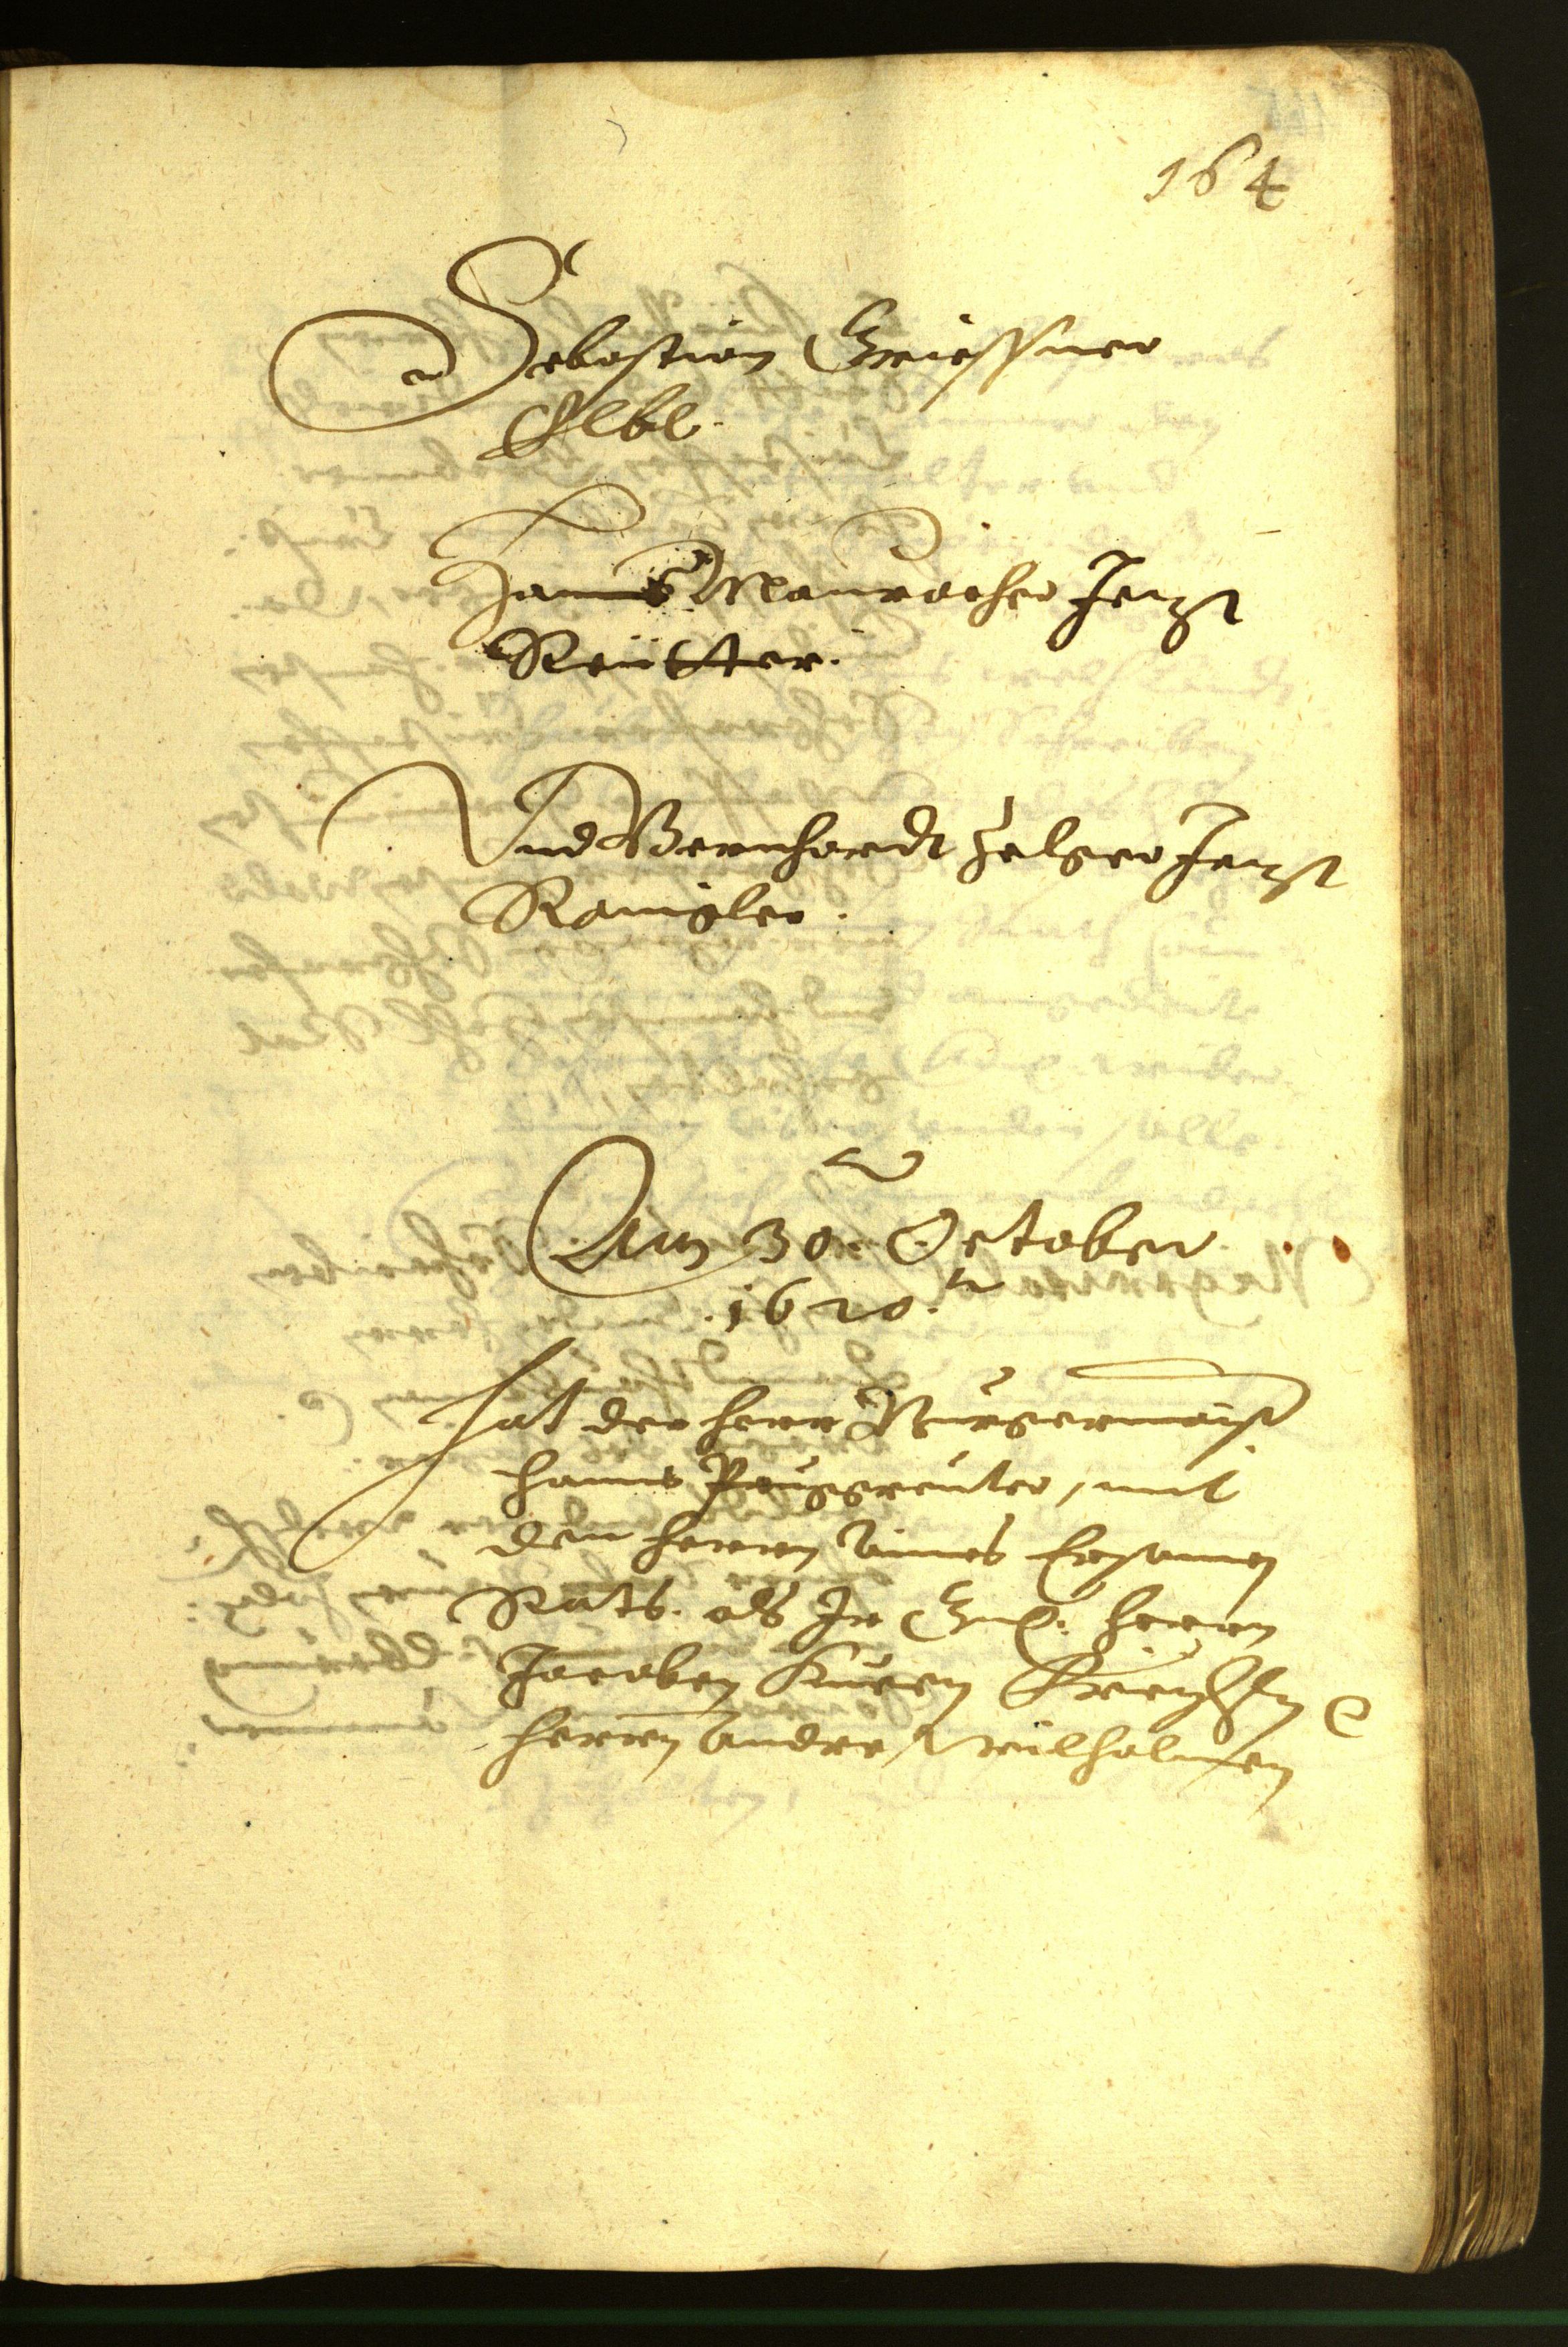164
Sebastian Griessner
Elbl.
Hanns Maūracher Jezt
Reütter.
Vnd Bernhardt Zelger Jezt
Ranigler.
t
Am 30. October
.1620.t
hat der herr Būrgermaist
hanns Prūggreūter, mit
den herrn Aines Ersamen
Rats. als Ir Gn: herrn
Jacoben Kūeen Freÿhn etc
herrn Andre Wilhalmen